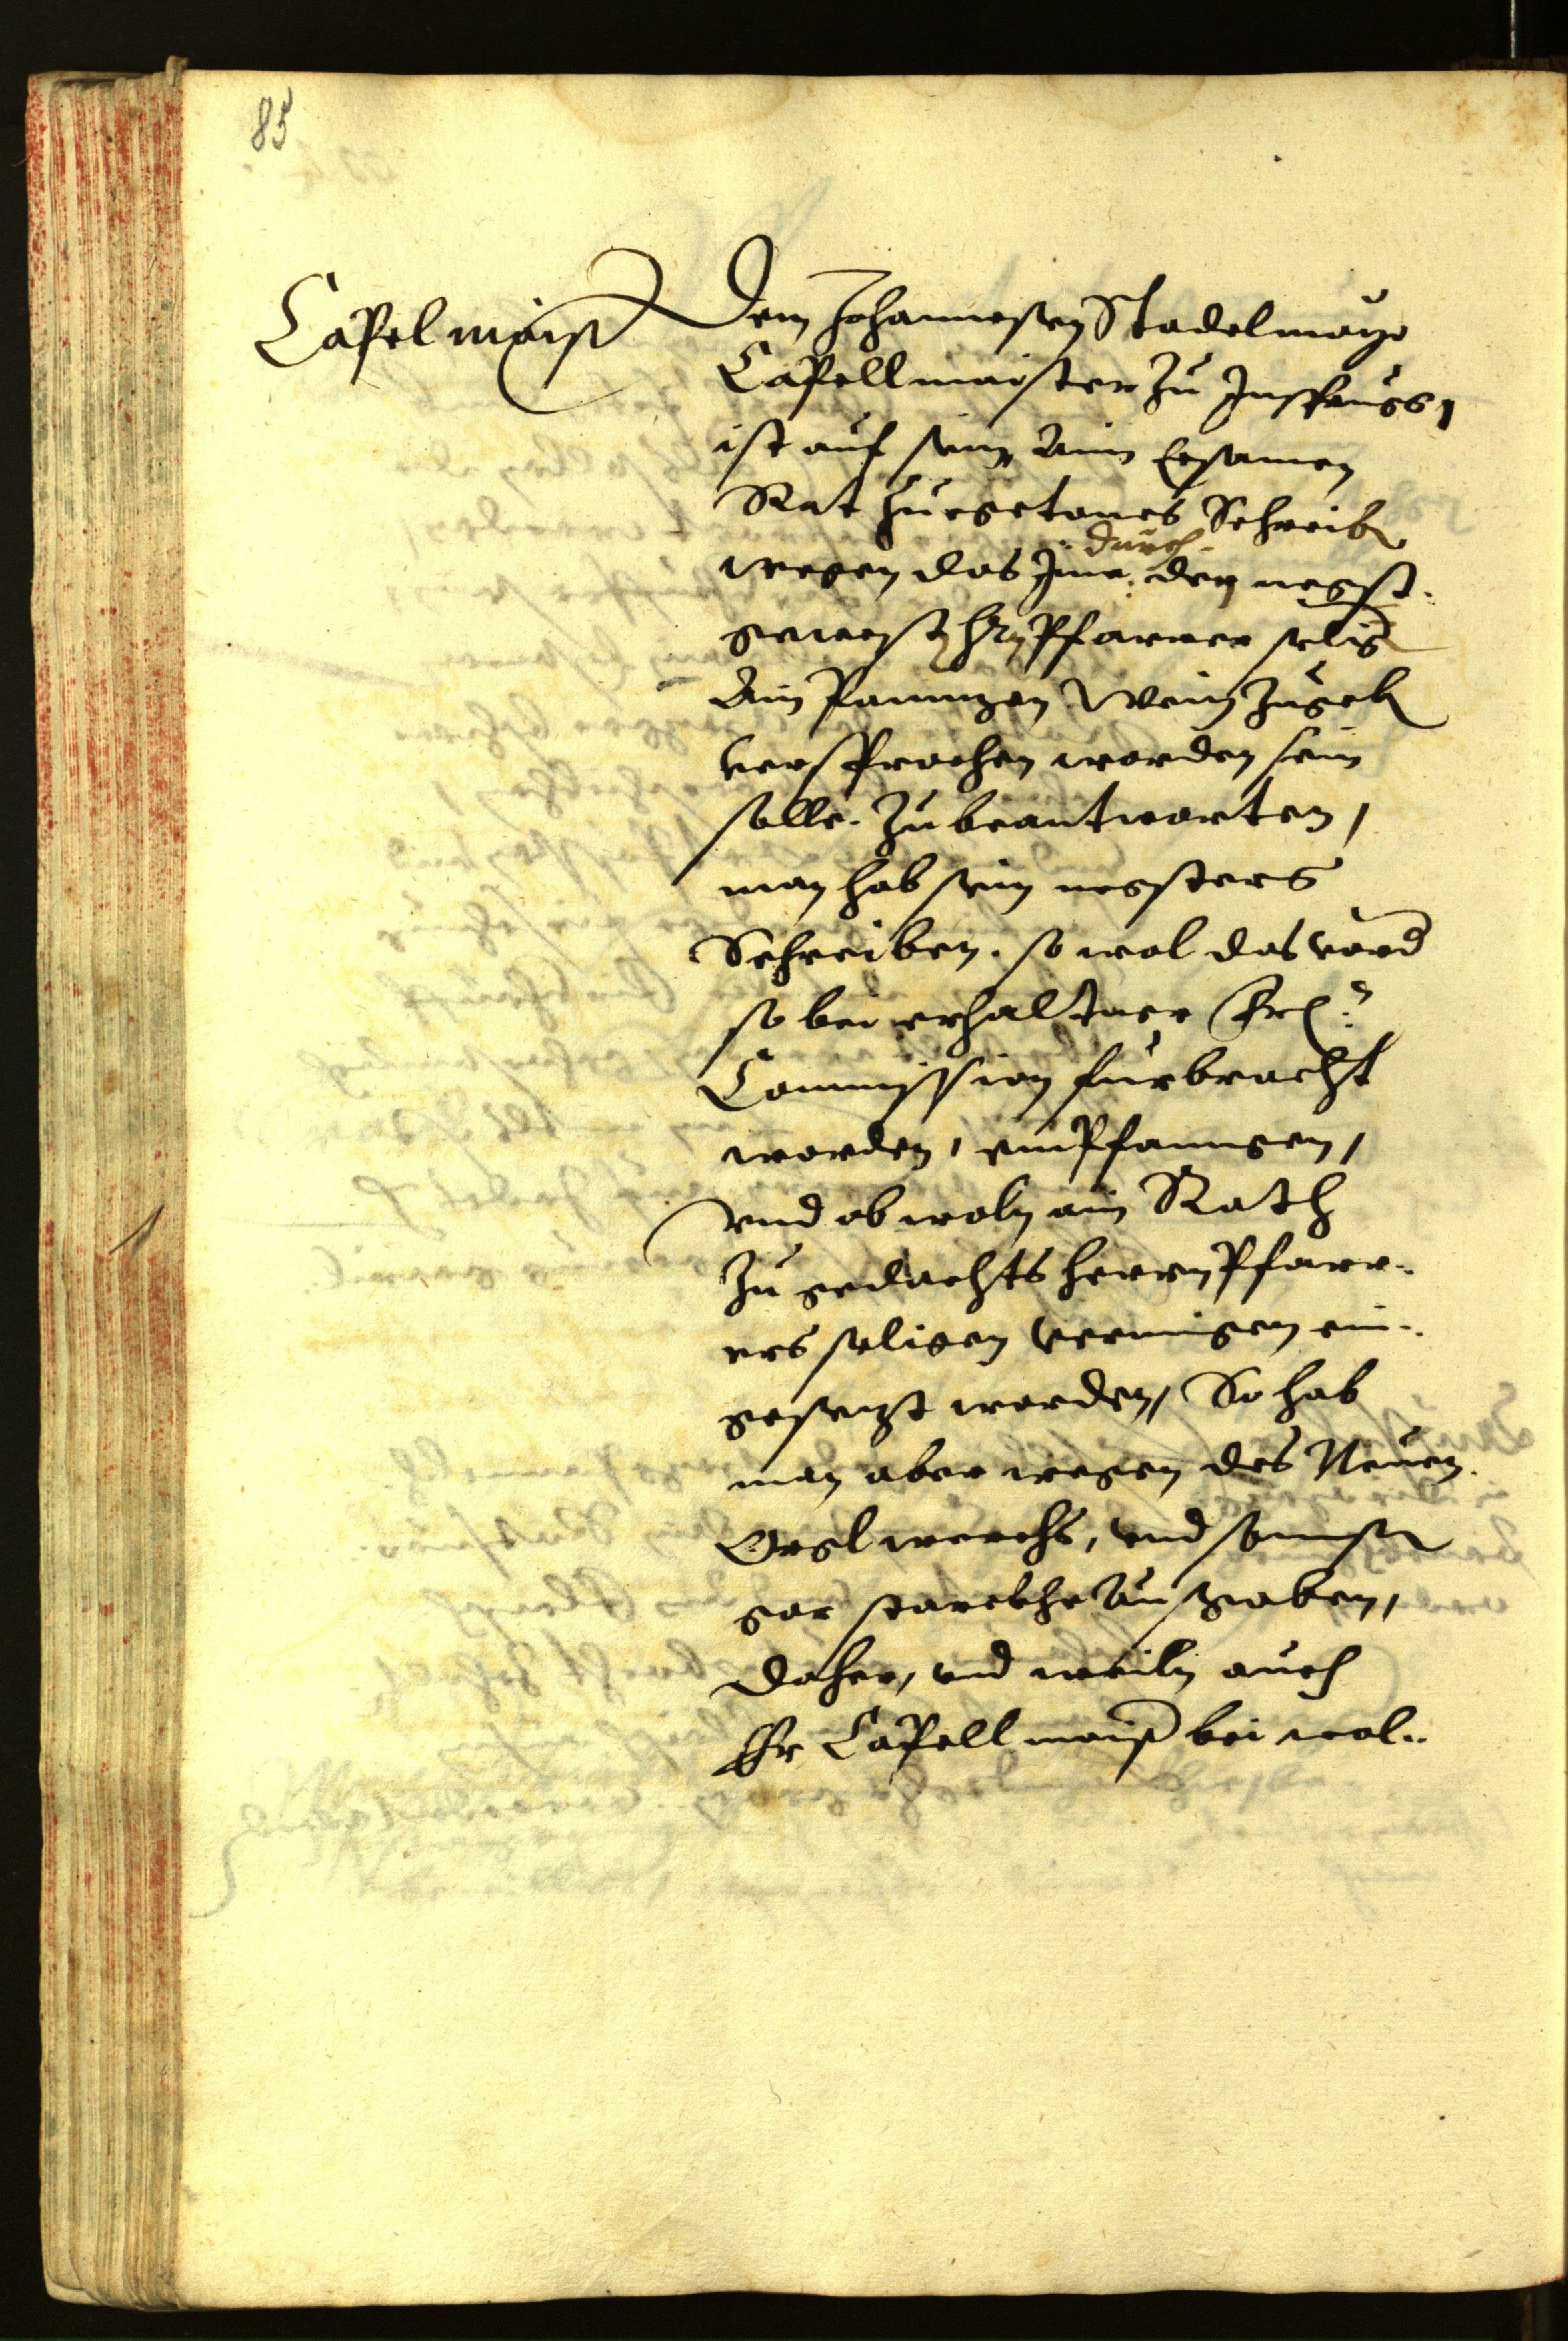85
CaPelmaist
Dem Johannesen Stadelmaȳr
CaPellmaister Zū InsPrūgg,
ist aūf sein Aim Ersamen
Rat Zūegetanes Schreib
wegen das Ime dūrch den negst¬
gewesten h Pfarrer selig
Ain Pannzen Wein Zūgeb
versProchen worden sein
solle. Zū beantworten,
man hab sein negsters
Schreiben. so wol das vord
So bei erhaltner Frl:
Commission fūrbracht
worden, empfanngen,
vnd ob woln ain Rath
Zū gedachts herrn Pfarr¬
ers seligen vermigen ein¬
gesezt worden, So hab
man aber wegen des Neūen
Orglwerckhs, vnd sonnsten
gar starckhe Aūsgaben,
daher, vnd weiln aūch
Er CaPellmaist bei wol¬